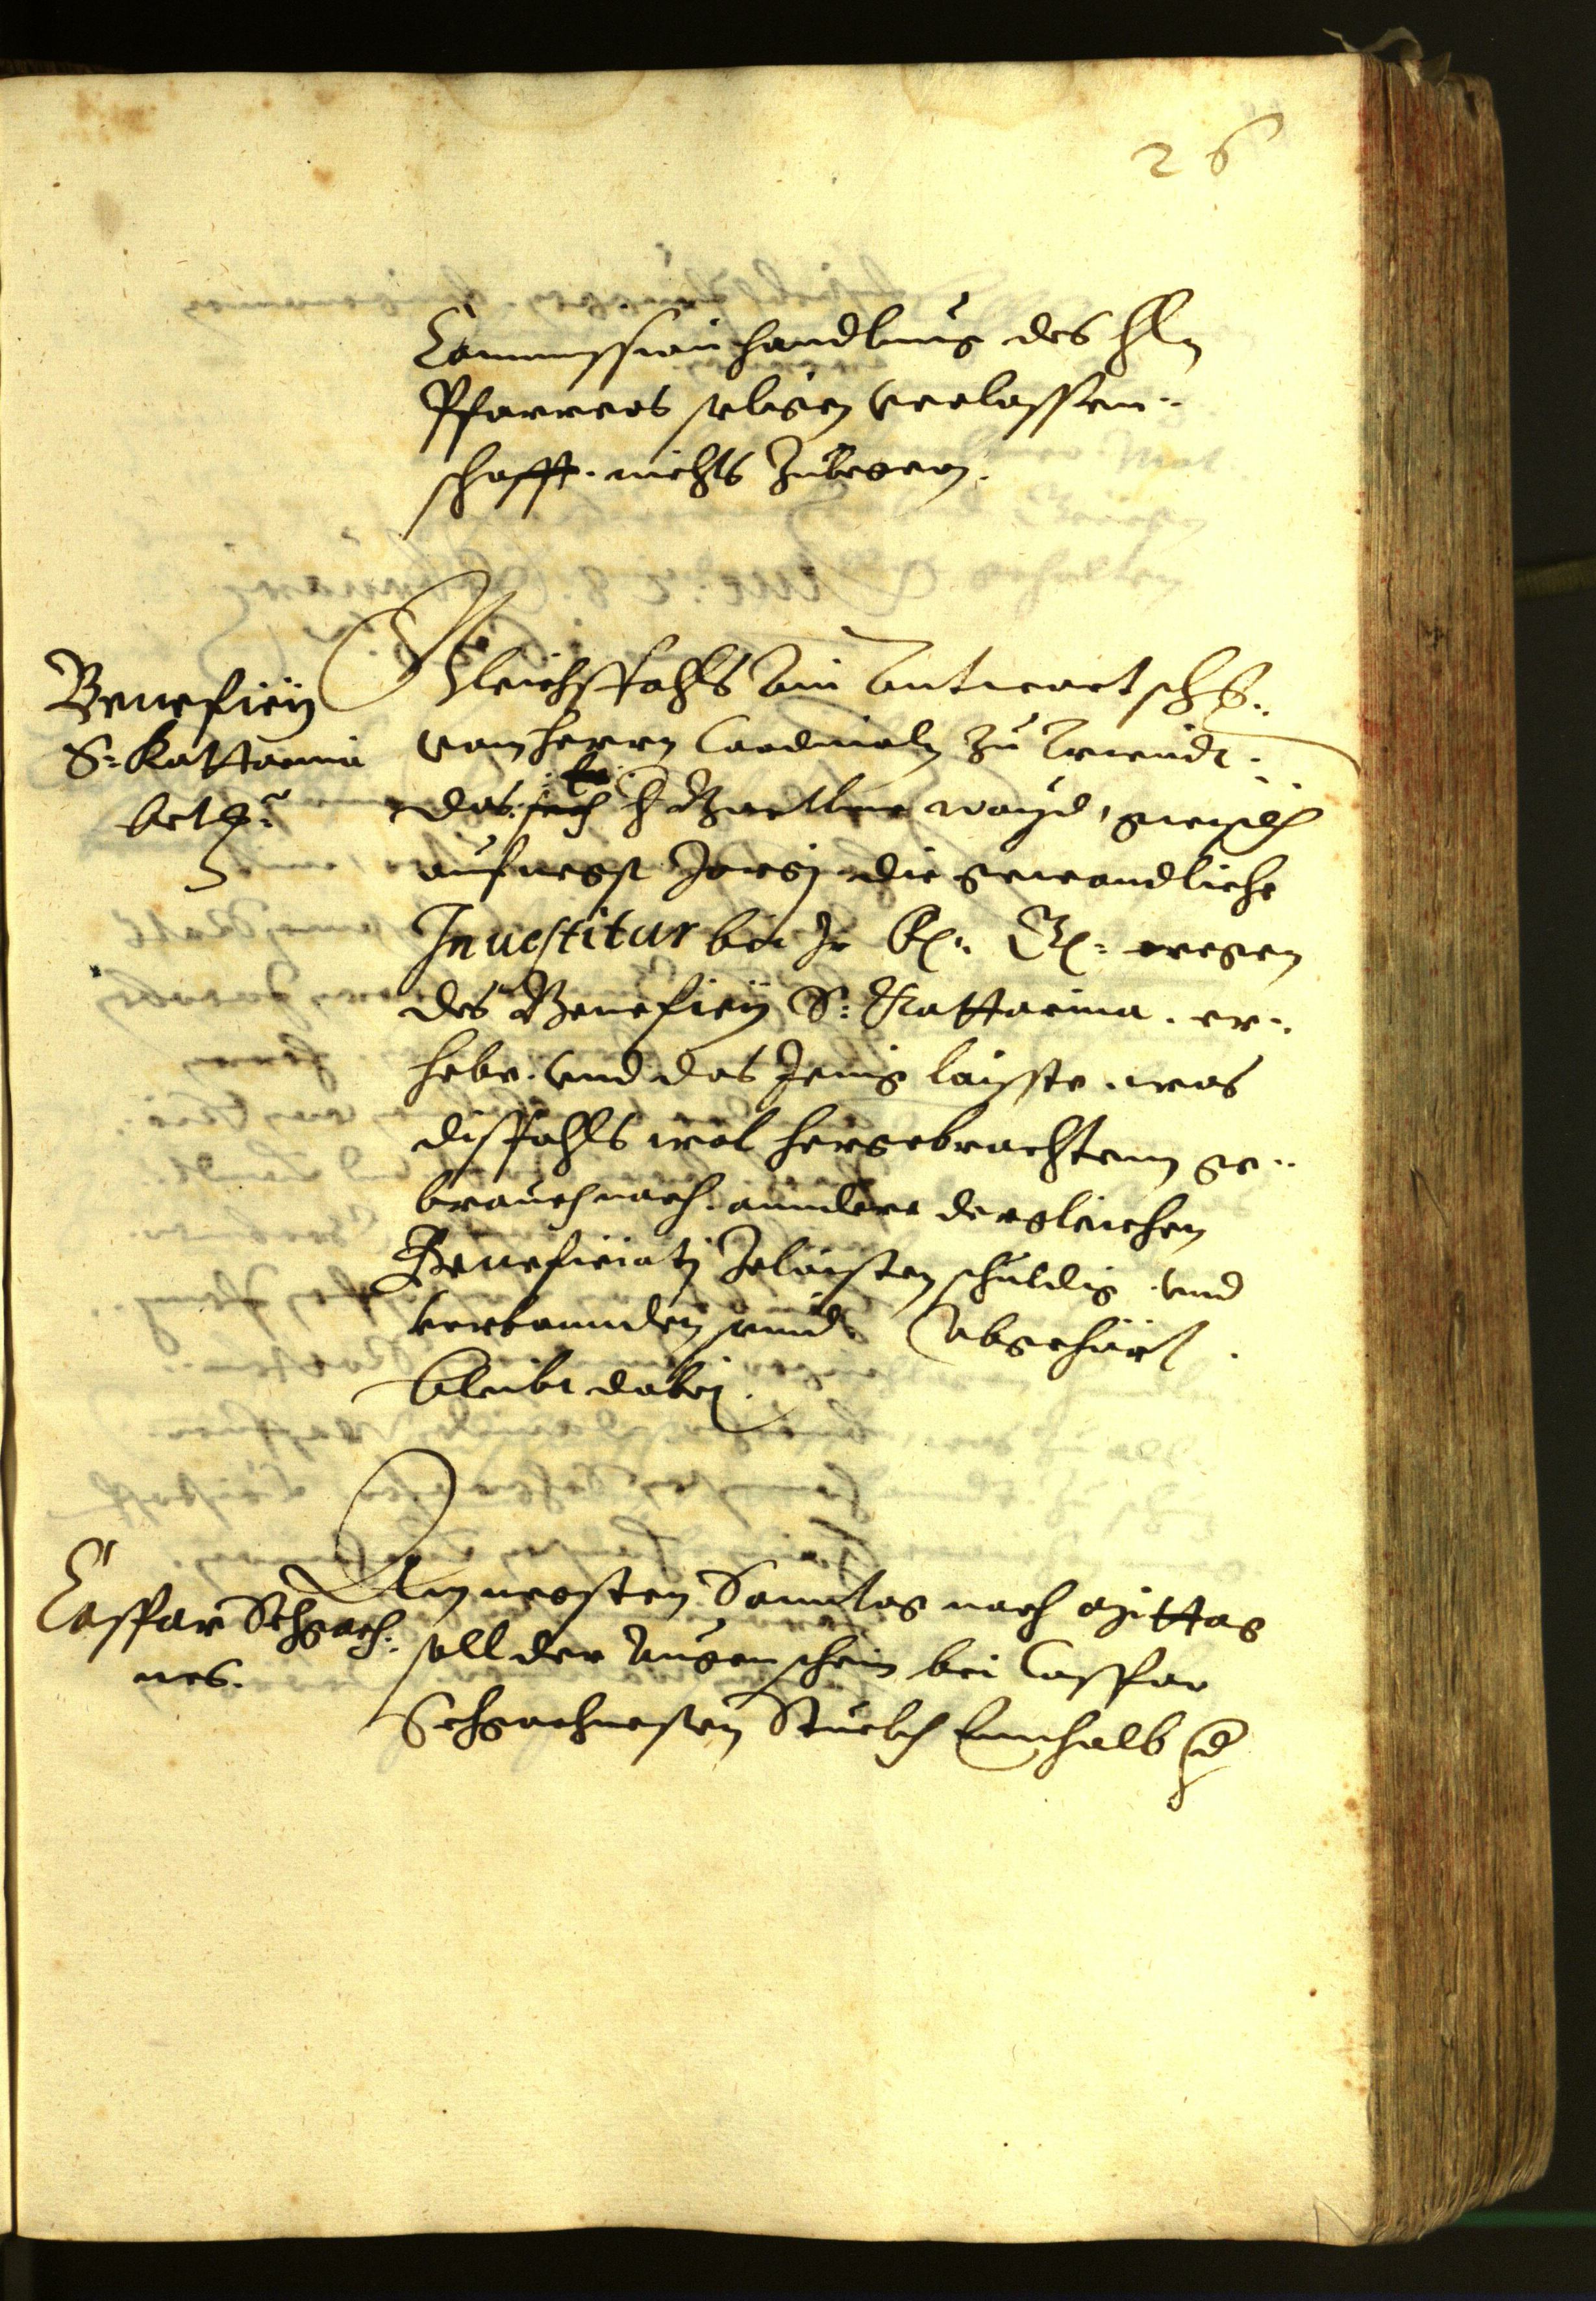26
Commission handlūng des hln
Pfarrers seligen verlassen¬
schafft. nichts Zūbegern.
Gleichsfahls Ain Antwortsch:
vom herrn Cardinaln Zū Triendt.
:Er:
Das: xxx h Bartlme Waȳd, gwislh
aūf negst Jorgj die gewondliche
Investitur bei Ir F: G: wegen
Des Beneficÿ S: Kattarina. er¬
hebe. vnd das Ienig laisste. was
disfahls wol hergebrachtem ge¬
braūch noch. anndere dergleichen
Beneficiati Zelaisten schūldig. vnd
verbannden sindt. Abgehört.
bleibt dabej.
Beneficÿ
S: Kattarina
bet:
Caspar Schgach¬
nes.
Am negsten Sonntag nach Mittag
soll der Aūgenschein bei Caspar
Schgachnesen Stūckh Ennhalb d